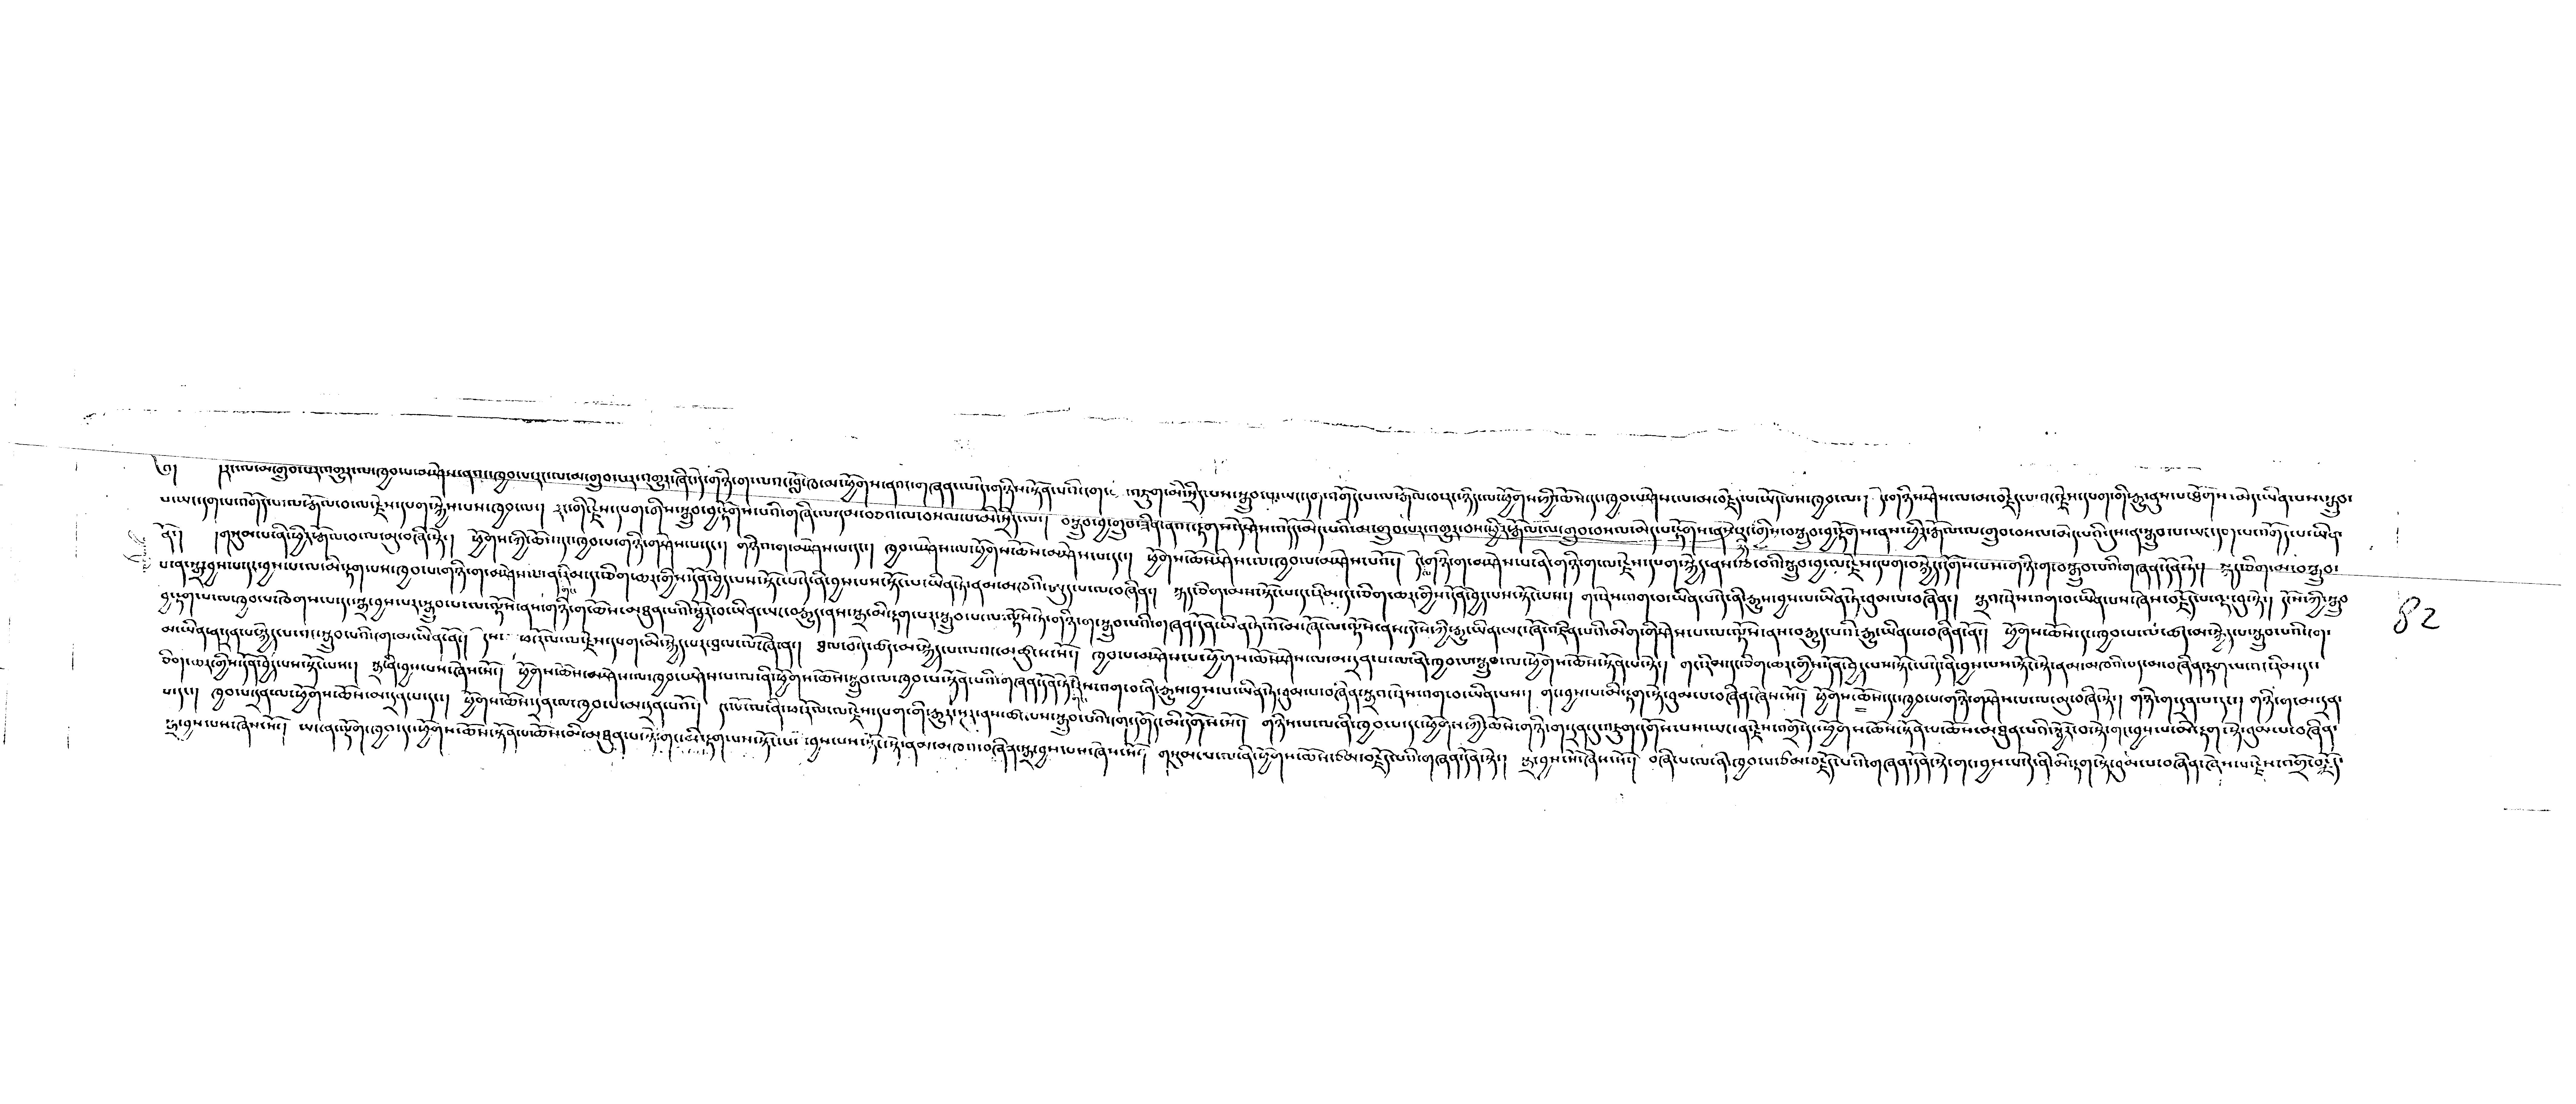༈། །རང་ལ་མ་གྲུབ་པར་འགྱུར་ལ་ཁྱབ་པ་མ་ཤེས་ནའང་ཁྱབ་པར་ལ་མ་གྲུབ་པར་འགྱུར་ཞིང་དེ་གཉི་ག་ལའང་བློ་ཁ་མ་ཕྱོགས་ནའང་གཞན་ལ་དེ་གཉིས་སྟོན་པའི་ངག་གི?་འཇུག་མི་སྲིད་པས་སྒྲུབ་པ་ཡང་དག་འགོད་པ་ལ་རྒོལ་བ་རང་ཉིད་ལ་ཕྱོགས་ཀྱི་ཆོས་དང་ཁྱབ་པ་ཤེས་པ་མ་བརྗེད་པ་ཡོད་པས་ཁྱབ་ལ། དེ་གཉིས་ཤེས་ལ་མ་བརྗེད་པ་འང་རྗེས་དཔག་གི་རྒྱུ་ནུས་པ་ཐོགས་མེད་ཡིན་པས་སྒྲུབ་
པ་ཡང་དག་པ་འགོད་པ་ལ་རྒོལ་བ་ལ་རྗེས་དཔག་སྐྱེས་པས་ཁྱབ་ལ། རང་གི་རྗེས་དཔག་གིས་སྒྲུབ་བྱ་རྟོགས་པའི་གཞི་ལ་དམ་བཅའ་ལ་བསལ་པ་མི་སྲིད་ལ། བསྒྲུབ་བྱ་གྲུབ་ཟིན་ནའང་རྟགས་དེ་ཤེས་འདོད་མེད་པའི་མ་གྲུབ་པར་འགྱུར་བས་ཕྱིར་རྒོལ་ལ་གྲུབ་བསལ་མེད་པ་རྟོགས་ནས་རང་ཉིད་གིས་བསྒྲུབ་བྱ་རྟོགས་ནས་ཕྱིར་རྒོལ་ལ་གྲུབ་བསལ་མེད་པའི་དུས་ན་སྒྲུབ་པ་ཡང་དག་པ་འགོད་པ་ཡིན་
ནོ། །གསུམ་པ་ནི་ཕྱིར་རྒོལ་བ་ལ་མུ་བཞི་སྟེ། ཕྱོགས་ཀྱི་ཆོས་དང་ཁྱབ་པ་གཉི་ག་ཤེས་པ་དང་། གཉིའ་ག་མ་ཤེས་པ་དང་། ཁྱབ་པ་ཤེས་ལ་ཕྱོགས་ཆོས་མ་ཤེས་པ་དང་། ཕྱོགས་ཆོས་ཤེས་ལ་ཁྱབ་པ་མ་ཤེས་པའོ། དེ་ལ་གཉི་ག་མ་ཤེས་པ་ནི་གཉི་ག་ལ་རྗེས་དཔག་སྐྱེད་ནས་རྩ་བའི་སྒྲུབ་བྱ་ལ་རྗེས་དཔག་བསྐྱེད་དོགས་པས་གཉི་ག་བསྒྲུབ་པའི་གཞན་དོན་ཏེ། སྐད་ཅིག་མ་བསྒྲུབ་
པ་ན་སྒྲ་བྱས་པ་དང་བྱས་པ་ལ་མི་རྟག་པས་ཁྱབ་པ་གཉི་ག་མ་ཤེས་པ་ན་གང་རིམ་དང་ཅིག་ཆར་གྱིས་དོན་བྱེད་པས་སྟོང་པ་དེ་ནི་བྱས་པས་སྟོང་པ་ཡིན་ཏེ་ནམ་མཁའི་ཨུད་པ་ལ་བཞིན། སྐད་ཅིག་མས་སྟོང་པ་དང་རིམ་དང་ཅིག་ཆར་གྱིས་དོན་བྱེད་པས་སྟོང་པས། གང་རེས་འགའ་བ་ཡིན་པ་དེ་ནི་རྒྱུས་བྱས་པ་ཡིན་ཏེ་བུམ་པ་བཞིན། སྒྲའང་རེས་འག་བ་ཡིན་པས་ཞེས་བརྗོད་པ་ལྟ་བུ་སྟེ། དངོས་ཀྱི་སྒྲུབ་
བྱ་རྟག་པ་ལ་ཁྱབ་པ་ཁེགས་པ་དང་སྒྲ་བྱས་པར་སྒྲུབ་པ་ལ་ལྟོས་ནས་གཉི་ག་ཆོས་མཐུན་པའི་སྦྱོར་བ་ཡིན་ཡང་བརྒྱུད་ནས་སྒྲ་མི་རྟག་པར་སྒྲུབ་པ་ལ་ལྟོས་ཏེ་གཉི་ག་སྒྲུབ་པའི་གཞན་དོན་ཡིན་ཏེ་འོ་མ་ཞོ་ལ་ལྟོས་ནས་དངོས་ཀྱི་རྒྱུ་ཡིན་ཡང་ཞོ་འཛིན་པའི་མིག་གི་ཤེས་པ་ལ་ལྟོས་ནས་བརྒྱུད་པའི་རྒྱུ་ཡིན་པ་བཞིན་ནོ། ཕྱོགས་ཆོས་དང་ཁྱབ་པ་ལ་ཚད་མ་སྐྱེད་པ་སྒྲུབ་པའི་ངག་
མ་ཡིན་ན་དྲན་པ་སྐྱེད་པ་འང་སྒྲུབ་པའི་ངག་མ་ཡིན་ནོ། དེས་ཕ་རོལ་ལ་རྗེས་དཔག་མི་སྐྱེད་པར་ཐལ་ལོ་ཞེ་ན། ཐལ་བ་དེ་ཚད་མ་སྐྱེད་པ་ལའང་མཚུངས་སོ། ཁྱབ་པ་མ་ཤེས་པ་ཕྱོགས་ཆོས་ཤེས་ལ་མ་དྲན་པ་ལ་ནི་ཁྱབ་པ་སྒྲུབ་ལ་ཕྱོགས་ཆོས་སྟོན་པ་སྟེ། གང་རིམ་དང་ཅིག་ཆར་གྱིས་དོན་བྱེད་པས་སྟོང་པ་དེ་ནི་བྱས་པས་སྟོང་སྟེ་ནམ་མཁའི་པད་མ་བཞིན་རྟག་པ་འང་རིམ་དང་
ཅིག་ཆར་གྱིས་དོན་བྱེད་པས་སྟོང་པས། སྒྲ་ནི་བྱས་པས་ཞེས་སོ། ཕྱོགས་ཆོས་མ་ཤེས་ལ་ཁྱབ་པ་ཤེས་པ་ལ་ནི་ཕྱོགས་ཆོས་སྒྲུབ་ལ་ཁྱབ་པ་སྟོན་པའི་གཞན་དོན་ཏེ་གང་རེས་འག་བ་ནི་རྒྱུས་བྱས་པ་ཡིན་ཏེ་བུམ་པ་བཞིན་སྒྲའང་རེས་འག་བ་ཡིན་པས། གང་བྱས་པ་མི་རྟག་སྟེ་བུམ་པ་བཞིན་ཞེས་སོ། ཕྱོགས་ཆོས་དང་ཁྱབ་པ་གཉི་ག་ཤེས་པ་ལ་མུ་བཞི་སྟེ། གཉི་ག་དྲན་པ་དང་། གཉི་ག་མ་དྲན་
པ་དང་། ཁྱབ་པ་དྲན་ལ་ཕྱོགས་ཆོས་མ་དྲན་པ་དང་། ཕྱོགས་ཆོས་དྲན་ལ་ཁྱབ་པ་མ་དྲན་པའོ། དང་པོ་ལ་ནི་ཕ་རོལ་ལ་རྗེས་དཔག་གི་རྒྱུར་སྔར་ནས་ཚང་པས་སྒྲུབ་པའི་ངག་དགོད་མི་དགོས་སོ། གཉིས་པ་ལ་ནི་ཁྱབ་པ་དང་ཕྱོགས་ཀྱི་ཆོས་གཉི་ག་དྲན་དུ་འཇུག་དགོས་པས་ཡང་ན་རྗེས་འགྲོ་དང་ཕྱོགས་ཆོས་སྟོན་པ་ཆོས་མཐུན་པའི་སྦྱོར་བ་སྟེ་གང་བྱས་པ་མི་རྟག་སྟེ་བུམ་པ་བཞིན་
སྒྲ་བྱས་པས་ཞེས་སོ། ཡང་ན་ལྡོག་ཁྱབ་དང་ཕྱོགས་ཆོས་སྟོན་པ་ཆོས་མི་མཐུན་པ་སྟེ་གང་མི་རྟག་པས་སྟོང་པའི་བྱས་པས་སྟོང་སྟེ་ནམ་མཁའ་བཞིན་སྒྲ་བྱས་པས་ཞེས་སོ། གསུམ་པ་ལ་ནི་ཕྱོགས་ཆོས་ཙམ་བརྗོད་པའི་གཞན་དོན་སྟེ། སྒྲ་བྱས་སོ་ཞེས་སོ། བཞི་པ་ལ་ནི་ཁྱབ་པ་ཙམ་བརྗོད་པའི་གཞན་དོན་སྟེ་གང་བྱས་པ་དེ་ནི་མི་རྟག་སྟེ་བུམ་པ་བཞིན་ཞེས་པ་རྗེས་འགྲོ་བརྗོད་